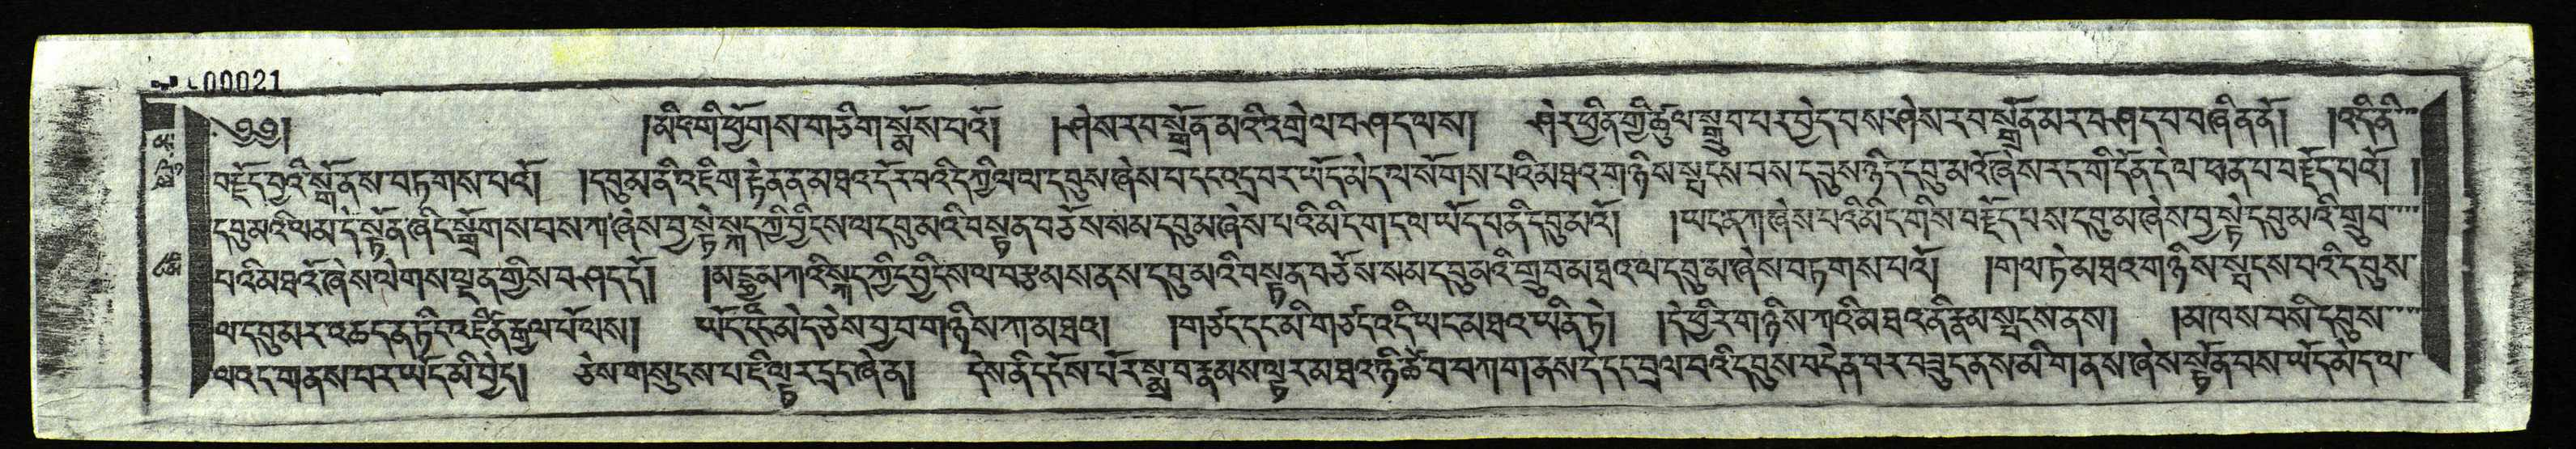༄༅། །མིང་གི་ཕྱོགས་གཅིག་སྨོས་པའོ། །ཤེས་རབ་སྒྲོན་མའི་འགྲེལ་བཤད་ལས། ཤེར་ཕྱིན་གྱི་ཚུལ་སྒྲུབ་པར་བྱེད་པས་ཤེས་རབ་སྒྲོན་མར་བཤད་པ་བཞིན་ནོ། །འདི་ནི་
བརྗོད་བྱའི་སྒོ་ནས་བཏགས་པའོ། །དབུ་མ་ནི་འཇིག་རྟེན་ན་མཐའ་དོར་བའི་དཀྱིལ་ལ་དབུས་ཞེས་པ་དང་འདྲ་བར་ཡོད་མེད་ལ་སོགས་པའི་མཐའ་གཉིས་སྤངས་པས་དབུས་ཉིད་དབུ་མའོ་ཞེས་རང་གི་དོན་དེ་ལ་ཕན་པ་བརྗོད་པའོ། །
དབུ་མའི་ལམ་དེ་སྟོན་ཞིང་སྒྲོགས་པས་ཀ་ཞེས་བྱ་སྟེ་སྐད་ཀྱི་བྱིངས་ལ་དབུ་མའི་བསྟན་བཅོས་སམ་དབུ་མ་ཞེས་པའི་མིང་གང་ལ་ཡོད་པ་ནི་དབུ་མའོ། །ཡང་ན་ཀ་ཞེས་པའི་མིང་གིས་བརྗོད་པས་དབུ་མ་ཞེས་བྱ་སྟེ་དབུ་མའི་གྲུབ་
པའི་མཐའོ་ཞེས་ལེགས་ལྡན་གྱིས་བཤད་དོ། །མ་དྷྱཱ་མ་ཀའི་སྐད་ཀྱི་དབྱིངས་ལ་བརྩམས་ནས་དབུ་མའི་བསྟན་བཅོས་སམ་དབུ་མའི་གྲུབ་མཐའ་ལ་དབུ་མ་ཞེས་བཏགས་པའོ། །གལ་ཏེ་མཐའ་གཉིས་སྤངས་པའི་དབུས་
ལ་དབུ་མར་འཆད་ན་ཏིང་འཛིན་རྒྱལ་པོ་ལས། ཡོད་དང་མེད་ཅེས་བྱ་བ་གཉིས་ཀ་མཐའ། །གཙང་དང་མི་གཙང་འདི་ཡང་མཐའ་ཡིན་ཏེ། །དེ་ཕྱིར་གཉིས་ཀའི་མཐའ་ནི་རྣམ་སྤངས་ནས། །མཁས་བསི་དབུས་
ལའང་གནས་པར་ཡོད་མི་བྱེད། ཅེས་གསུངས་པ་ཇི་ལྟར་དྲང་ཞེ་ན། དེས་ནི་དངོས་པོར་སྨྲ་བ་རྣམས་ལྟར་མཐའ་ཉི་ཚེ་བ་བཀག་ནས་དེ་དང་བྲལ་བའི་དབུས་བདེན་པར་བཟུང་ནས་མི་གནས་ཞེས་སྟོན་པས་ཡོད་མེད་ལ་